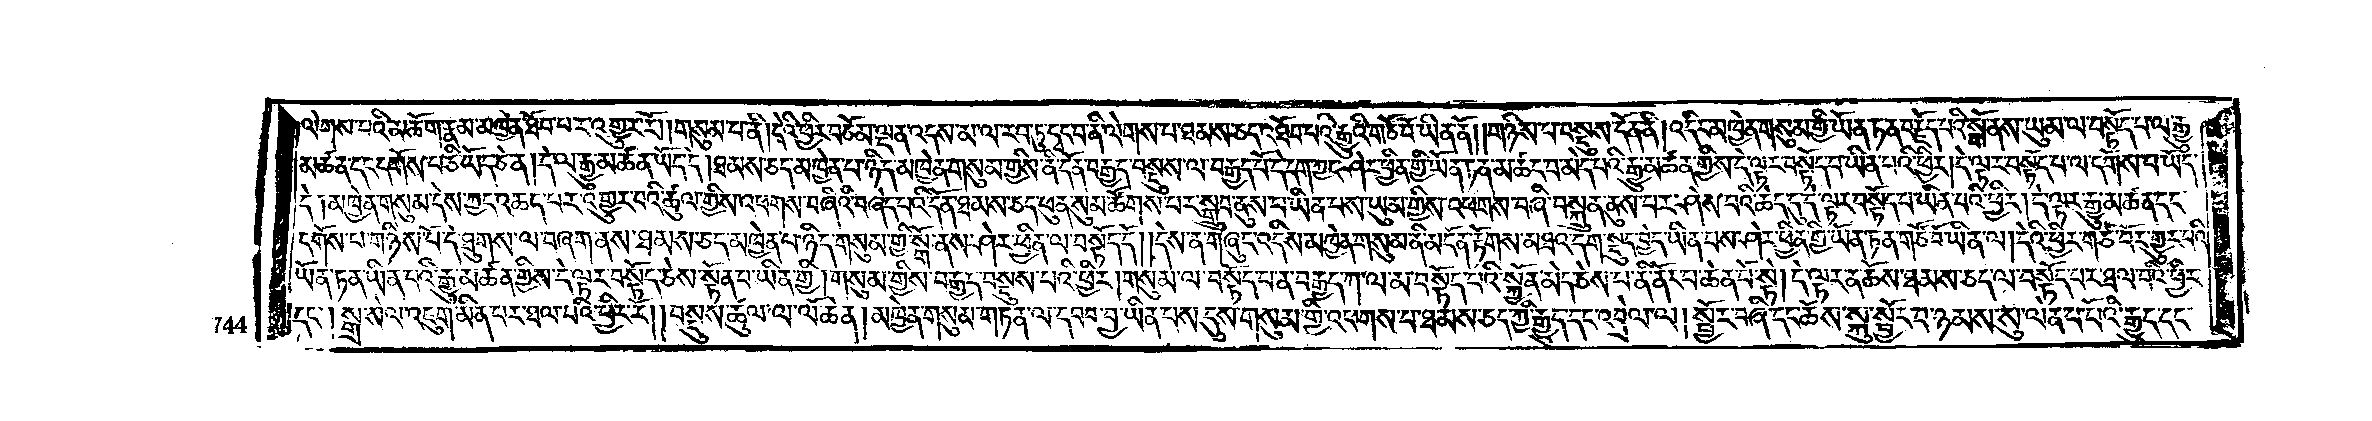ལེགས་པའི་མཆོག་རྣམ་མཁྱེན་ཐོབ་པར་འགྱུར་རོ། །གསུམ་པ་ནི། དེའི་ཕྱིར་བཅོམ་ལྡན་འདས་མ་ལ་རབ་ཏུ་དྭང་བ་ནི་ལེགས་པ་ཐམས་ཅད་འཐོབ་པའི་རྒྱུའི་གཙོ་བོ་ཡིན་ནོ། །གཉིས་པ་བསྡུས་དོན་ནི། འདིར་མཁྱེན་གསུམ་གྱི་ཡོན་ཏན་བརྗོད་པའི་སྒོ་ནས་ཡུམ་ལ་བསྟོད་པ་ལ་རྒྱུ་
མཚན་དང་དགོས་པ་ཅི་ཡོད་ཅེ་ན། དེ་ལ་རྒྱུ་མཚན་ཡོད་དེ། ཐམས་ཅད་མཁྱེན་པ་ཉིད་མཁྱེན་གསུམ་གྱིས་ནི་དོན་བརྒྱད་བསྡུས་ལ་བརྒྱད་པོ་དེ་དག་ཀྱང་ཤེར་ཕྱིན་གྱི་ཡོན་ཏན་མ་ཚང་བ་མེད་པའི་རྒྱུ་མཚན་གྱིས་དེ་ལྟར་བསྟོད་པ་ཡིན་པའི་ཕྱིར། དེ་ལྟར་བསྟོད་པ་ལ་དགོས་པ་ཡོད་
དེ། མཁྱེན་གསུམ་དེས་ཀྱང་འཆད་པར་འགྱུར་པའི་ཚུལ་གྱིས་འཕགས་བཞིའི་བཞེད་པའི་དོན་ཐམས་ཅད་ཕུན་སུམ་ཚོགས་པར་སྒྲུབ་ནུས་པ་ཡིན་པས་ཡུམ་གྱིས་འཕགས་བཞི་བསྐྲུན་ནུས་པར་ཤེས་པའི་ཆེད་དུ་དེ་ལྟར་བསྟོད་པ་ཡིན་པའི་ཕྱིར། དེ་ལྟར་རྒྱུ་མཚན་དང་
དགོས་པ་གཉིས་པོ་དེ་ཐུགས་ལ་བཞག་ནས་ཐམས་ཅད་མཁྱེན་པ་ཉིད་གསུམ་གྱིས་སྒོ་ནས་ཤེར་ཕྱིན་ལ་བསྟོད་དོ། །དེས་ན་གཞུང་འདིས་མཁྱེན་གསུམ་ནི་མངོན་རྟོགས་མཐའ་དག་སྡུད་བྱེད་ཡིན་པས་ཤེར་ཕྱིན་གྱི་ཡོན་ཏན་གཙོ་བོ་ཡིན་ལ། དེའི་ཕྱིར་གཙོ་བོར་གྱུར་པའི་
ཡོན་ཏན་ཡིན་པའི་རྒྱུ་མཚན་གྱིས་དེ་ལྟར་བསྟོད་ཅེས་སྟོན་པ་ཡིན་གྱི། གསུམ་གྱིས་བརྒྱད་བསྡུས་པའི་ཕྱིར། གསུམ་ལ་བསྟོད་པ་ན་བརྒྱད་ཀ་ལ་མ་བསྟོད་པའི་སྐྱོན་མེད་ཅེས་པ་ནི་ནོར་པ་ཆེན་པོ་སྟེ། དེ་ལྟར་ན་ཆོས་ཐམས་ཅད་ལ་བསྟོད་པར་ཐལ་བའི་ཕྱིར་
དང་། སྒྲ་སེལ་འཇུག་མིན་པར་ཐལ་པའི་ཕྱིར་རོ། །བསྡུས་ཚུལ་ལ་ལོ་ཆེན། མཁྱེན་གསུམ་གཏན་ལ་དབབ་བྱ་ཡིན་པས་དུས་གསུམ་གྱི་འཕགས་པ་ཐམས་ཅད་ཀྱི་རྒྱུད་དང་འབྲེལ་ལ། སྦྱོར་བཞི་དང་ཆོས་སྐུ་སྦྱོར་བ་ཉམས་སུ་ལེན་པ་པོའི་རྒྱུད་དང་